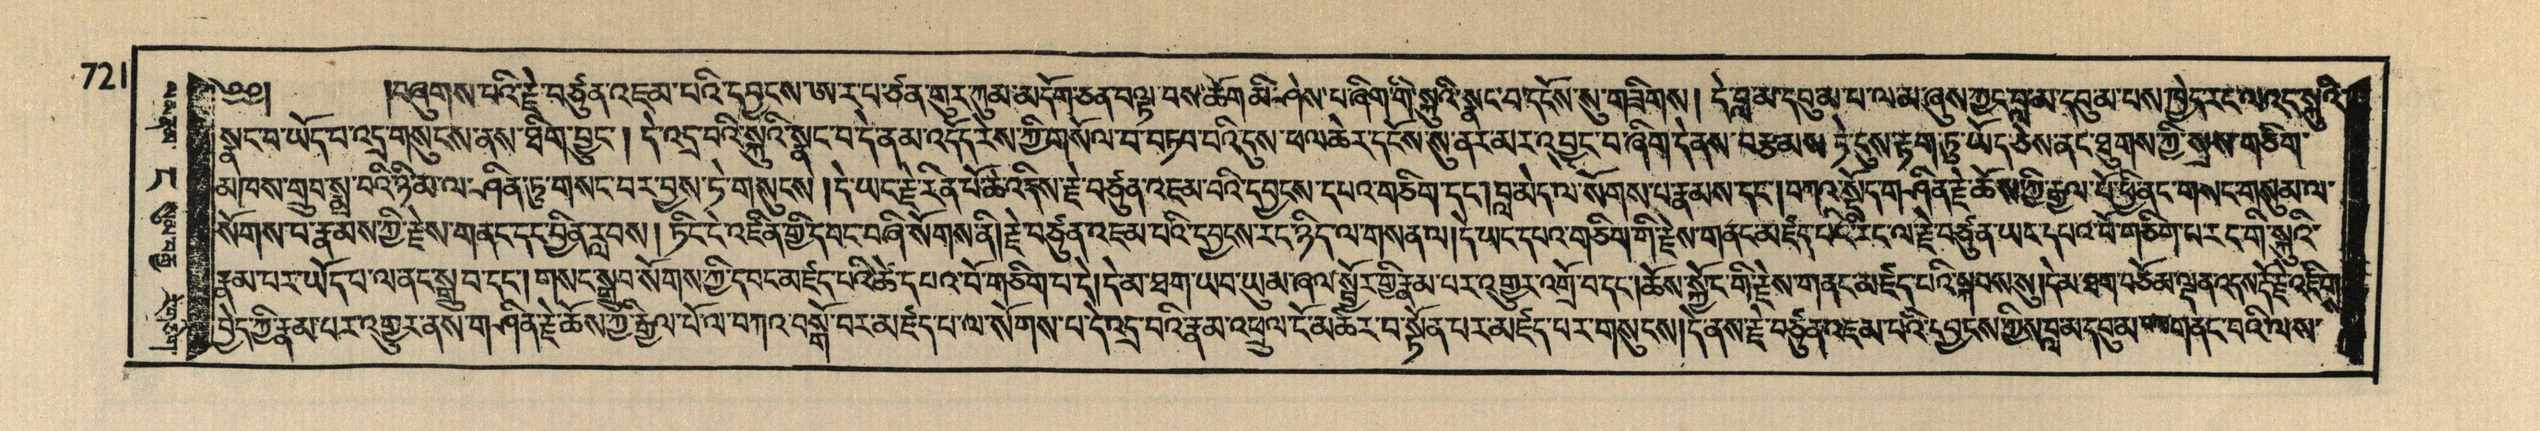༄༅། །བཞུགས་པའི་རྗེ་བཙུན་འཇམ་པའི་དབྱངས་ཨ་ར་པ་ཙ་ན་གུར་ཀུམ་མདོག་ཅན་བལྟ་བས་ཆོག་མི་ཤེས་པ་ཞིག་གི་སྐུའི་སྣང་བ་དངོས་སུ་གཟིགས། དེ་བླ་མ་དབུ་མ་པ་ལམ་ཞུས་ཀྱང་བླ་མ་དབུ་མ་པས་ཁྱེད་རང་ལའང་སྐུའི་
སྣང་བ་ཡོད་པ་འདྲ་གསུངས་ནས་ཐིག་བྱུང་། དེ་འདྲ་བའི་སྐུའི་སྣང་བ་དེ་ནམ་འདོད་རེས་ཀྱི་གསོལ་བ་བཏབ་བའི་དུས་ཕལ་ཆེར་དངོས་སུ་ནར་མར་འབྱུང་བ་ཞིག་དེ་ནས་བརྩམས་ཏེ་དུས་རྟག་ཏུ་ཡོད་ཅེས་ནང་ཐུགས་ཀྱི་སྲས་གཅིག་
མཁས་གྲུབ་སྨྲ་བའི་ཉི་མ་ལ་ཤིན་ཏུ་གསང་བར་བྱས་ཏེ་གསུངས། དེ་ཡང་རྗེ་རིན་པོ་ཆེ་འདིས་རྗེ་བཙུན་འཇམ་བའི་དབྱངས་དཔའ་གཅིག་དང་། བླ་མེད་ལ་སོགས་པ་རྣམས་དང་། བཀའ་སྡོད་གཤིན་རྗེ་ཆོས་ཀྱི་རྒྱལ་པོ་ཕྱི་ནང་གསང་གསུམ་ལ་
སོགས་པ་རྣམས་ཀྱི་རྗེས་གནང་དང་བྱིན་རླབས། ཏིང་ངེ་འཛིན་གྱི་དབང་བཞི་སོགས་ནི། རྗེ་བཙུན་འཇམ་པའི་དབྱངས་རང་ཉིད་ལ་གསན་ལ། དེ་ཡང་དཔའ་གཅིག་གི་རྗེས་གནང་མཛད་པའི་རིང་ལ་རྗེ་བཙུན་ཡང་དཔའ་བོ་གཅིག་པ་རང་གི་སྐུའི་
རྣམ་པར་ཡོད་པ་ལ་ནང་སྒྲུབ་དང་། གསང་སྒྲུབ་སོགས་ཀྱི་དབང་མཛད་པའི་ཚེ་དཔའ་བོ་གཅིག་པ་དེ། དེ་མ་ཐག་ཡབ་ཡུམ་ཞལ་སྦྱོར་གྱི་རྣམ་པར་འགྱུར་འགྲོ་བ་དང་། ཆོས་སྐྱོང་གི་རྗེས་གནང་མཛད་པའི་སྐབས་སུ་།དེ་མ་ཐག་བཅོམ་ལྡན་འདས་རྡོ་རྗེ་འཇིགས་
བྱེད་ཀྱི་རྣམ་པར་འགྱུར་ནས་གཤིན་རྗེ་ཆོས་ཀྱི་རྒྱལ་པོ་ལ་བཀའ་བསྒོ་བར་མཛད་པ་ལ་སོགས་པ་དེ་འདྲ་བའི་རྣམ་འཕྲུལ་ངོ་མཚར་བ་སྟོན་པར་མཛད་པར་གསུངས། དེ་ནས་རྗེ་བཙུན་འཇམ་པའི་དབྱངས་ཀྱིས་བླ་མ་དབུ་མ་ལ་གནང་བའི་ལས་